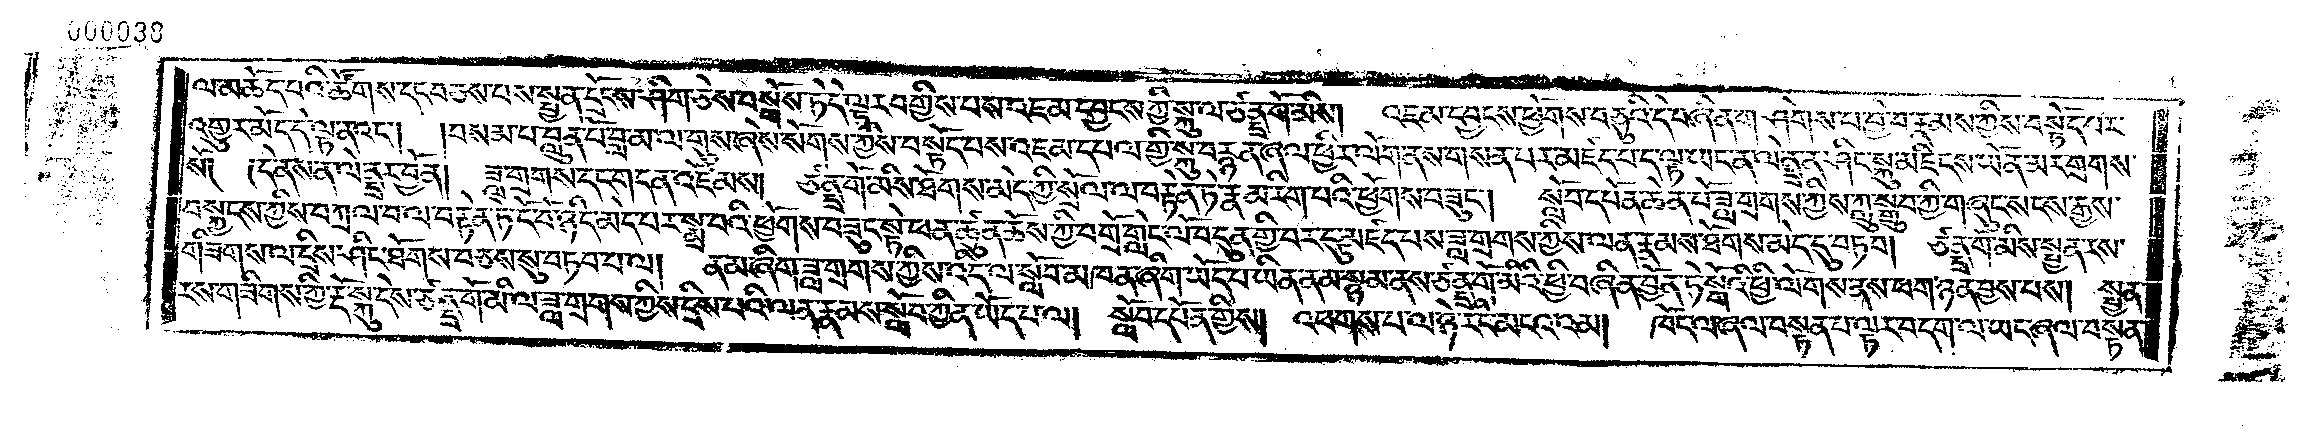ལ་མཆོད་པའི་ཚོགས་དང་བཅས་པས་སྤྱན་དྲོངས་ཤིག་ཅེས་བསྒོས་ཏེ་དེ་ལྟར་བགྱིས་པས་འཇམ་དབྱངས་ཀྱི་སྐུ་ལ་ཙནྡྲ་གོ་མིས། འཇམ་དབྱངས་ཕྱོགས་བཅུའི་དེ་བཞིན་གཤེགས་པ་བྱེ་བ་རྣམས་ཀྱིས་བསྟོད་པར་
འགྱུར་མོད་དེ་ལྟ་ནའང་། །བསམ་པ་བླུན་པོ་བླ་མ་ལ་གུས་ཞེས་སོགས་ཀྱིས་བསྟོད་པས་འཇམ་དཔལ་གྱི་སྐུ་བརྙན་ཞལ་ཕྱིར་ལོག་ནས་གསན་པར་མཛད་པ་ད་ལྟ་ཡང་ན་ལེནྡྲ་ན་ཤིང་སྐུ་མཇིངས་ཡོན་མང་གྲགས་
སོ༑ ༑དེ་ནས་ན་ལེནྡྲར་བྱོན། ཟླ་གྲགས་དང་གདན་འཛོམས། ཙནྡྲ་གོ་མིས་ཐོགས་མེད་ཀྱི་སྲོལ་ལ་བརྟེན་ཏེ་རྣམ་རིག་པའི་ཕྱོགས་བཟུང་། སློབ་དཔོན་ཆེན་པོ་ཟླ་གྲགས་ཀྱིས་ཀླུ་སྒྲུབ་ཀྱི་གཞུང་སངས་རྒྱས་
བསྐྱངས་ཀྱིས་བཀྲལ་བ་ལ་བརྟེན་ཏེ་ངོ་བོ་ཉིད་མེད་པར་སྨྲ་བའི་ཕྱོགས་བཟུང་སྟེ་ཕན་ཚུན་ཆོས་ཀྱི་བགྲོ་གླེང་ལོ་བདུན་གྱི་བར་དུ་མཛད་པས་ཟླ་གྲགས་ཀྱིས་ལན་རྣམས་ཐོགས་མེད་དུ་བཏབ། ཙནྡྲ་གོ་མིས་སྤྱན་རས་
གཟིགས་ལ་དྲིས་ཤིང་ཐོགས་བཅས་སུ་བཏབ་པ་ལ། ནམ་ཞིག་ཟླ་གྲགས་ཀྱིས་འདི་ལ་སློབ་མཁན་ཞིག་ཡོད་པ་ཡིན་ནམ་སྙམ་ནས་ཙནྡྲ་གོ་མིའི་ཕྱི་བཞིན་བྱོན་ཏེ་སྒོའི་ཕྱི་ལོགས་ནས་ཕག་ཉན་བྱས་པས། སྤྱན་
རས་གཟིགས་ཀྱི་རྡོ་སྐུ་དེས་ཙནྡྲ་གོ་མི་ལ་ཟླ་གྲགས་ཀྱིས་དྲིས་པའི་ལན་རྣམས་སློབ་ཀྱིན་ཡོད་པ་ལ། སློབ་དཔོན་གྱིས། འཕགས་པ་ལ་ཉེ་རིང་མངའ་འམ། ཁོང་ལ་ཞལ་བསྟན་པ་ལྟར་བདག་ལ་ཡང་ཞལ་བསྟན་